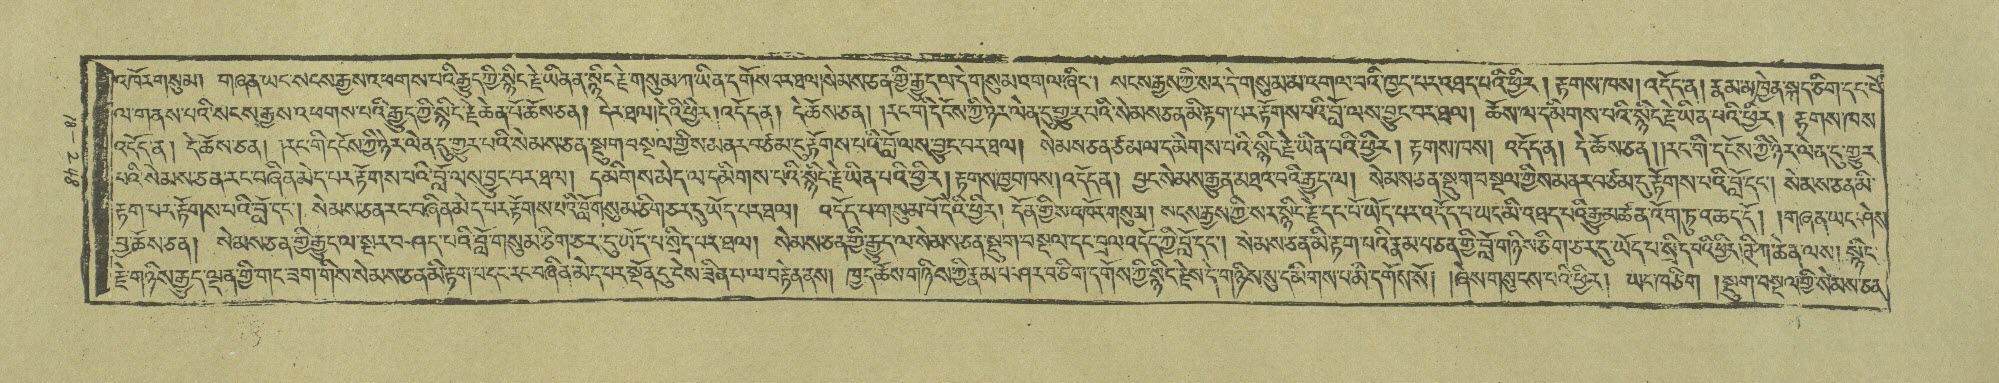འཁོར་གསུམ། གཞན་ཡང་སངས་རྒྱས་འཕགས་པའི་རྒྱུད་ཀྱི་སྙིང་རྗེ་ཡིན་ན་སྙིང་རྗེ་གསུམ་ཀ་ཡིན་དགོས་པར་ཐལ། སེམས་ཅན་གྱི་རྒྱུད་ལ་དེ་གསུམ་འགལ་ཞིང་། སངས་རྒྱས་ཀྱི་སར་དེ་གསུམ་མ་འགལ་བའི་ཁྱད་པར་འཐད་པའི་ཕྱིར། རྟགས་ཁས། འདོད་ན། རྣམ་མཁྱེན་སྐད་ཅིག་དང་པོ་
ལ་གནས་པའི་སངས་རྒྱས་འཕགས་པའི་རྒྱུད་ཀྱི་སྙིང་རྗེ་ཆེན་པོ་ཆོས་ཅན། དེར་ཐལ། དེའི་ཕྱིར། འདོད་ན། དེ་ཆོས་ཅན། །རང་གི་དངོས་ཀྱི་ཉེར་ལེན་དུ་གྱུར་པའི་སེམས་ཅན་མི་རྟག་པར་རྟོགས་པའི་བློ་ལས་བྱུང་བར་ཐལ། ཆོས་ལ་དམིགས་པའི་སྙིང་རྗེ་ཡིན་པའི་ཕྱིར། རྟགས་ཁས་
འདོད་ན། དེ་ཆོས་ཅན། །རང་གི་དངོས་ཀྱི་ཉེར་ལེན་དུ་གྱུར་པའི་སེམས་ཅན་སྡུག་བསྔལ་གྱིས་མནར་བ་ཙམ་དུ་རྟོགས་པའི་བློ་ལས་བྱུང་བར་ཐལ། སེམས་ཅན་ཙམ་ལ་དམིགས་པའི་སྙིང་རྗེ་ཡིན་པའི་ཕྱིར། རྟགས་ཁས། འདོད་ན། དེ་ཆོས་ཅན། །རང་གི་དངོས་ཀྱི་ཉེར་ལེན་དུ་གྱུར་
པའི་སེམས་ཅན་རང་བཞིན་མེད་པར་རྟོགས་པའི་བློ་ལས་བྱུང་བར་ཐལ། དམིགས་མེད་ལ་དམིགས་པའི་སྙིང་རྗེ་ཡིན་པའི་ཕྱིར། རྟགས་ཁྱབ་ཁས། འདོད་ན། བྱང་སེམས་རྒྱུན་མཐའ་བའི་རྒྱུད་ལ། སེམས་ཅན་སྡུག་བསྔལ་གྱིས་མནར་བ་ཙམ་དུ་རྟོགས་པའི་བློ་དང་། སེམས་ཅན་མི་
རྟག་པར་རྟོགས་པའི་བློ་དང་། སེམས་ཅན་རང་བཞིན་མེད་པར་རྟོགས་པའི་བློ་གསུམ་ཅིག་ཅར་དུ་ཡོད་པར་ཐལ། འདོད་པ་གསུམ་པོ་དེའི་ཕྱིར། དོན་གྱིས་འཁོར་གསུམ། སངས་རྒྱས་ཀྱི་སར་སྙིང་རྗེ་དང་པོ་ཡོད་པར་འདོད་པ་ཡང་མི་འཐད་པའི་རྒྱུ་མཚན་འོག་ཏུ་འཆད་དོ། །གཞན་ཡང་ཤེས་
བྱ་ཆོས་ཅན། སེམས་ཅན་གྱི་རྒྱུད་ལ་སྔར་བཤད་པའི་བློ་གསུམ་ཅིག་ཅར་དུ་ཡོད་པ་སྲིད་པར་ཐལ། སེམས་ཅན་གྱི་རྒྱུད་ལ་སེམས་ཅན་སྡུག་བསྔལ་དང་བྲལ་འདོད་ཀྱི་བློ་དང་། སེམས་ཅན་མི་རྟག་པའི་རྣམ་པ་ཅན་གྱི་བློ་གཉིས་ཅིག་ཅར་དུ་ཡོད་པ་སྲིད་པའི་ཕྱིར། ཊིཀ་ཆེན་ལས། སྙིང་
རྗེ་གཉིས་རྒྱུད་ལྡན་གྱི་གང་ཟག་གིས་སེམས་ཅན་མི་རྟག་པ་དང་རང་བཞིན་མེད་པར་སྔོན་དུ་ངེས་ཟིན་པ་ལ་བརྟེན་ནས། ཁྱད་ཆོས་གཉིས་ཀྱི་རྣམ་པ་ཤར་བ་ཅིག་དགོས་ཀྱི་སྙིང་རྗེ་དེ་གཉིས་སུ་དམིགས་པ་མི་དགོས་སོ། །ཞེས་གསུངས་པའི་ཕྱིར། ཡང་ཁ་ཅིག །སྡུག་བསྔལ་གྱི་སེམས་ཅན་